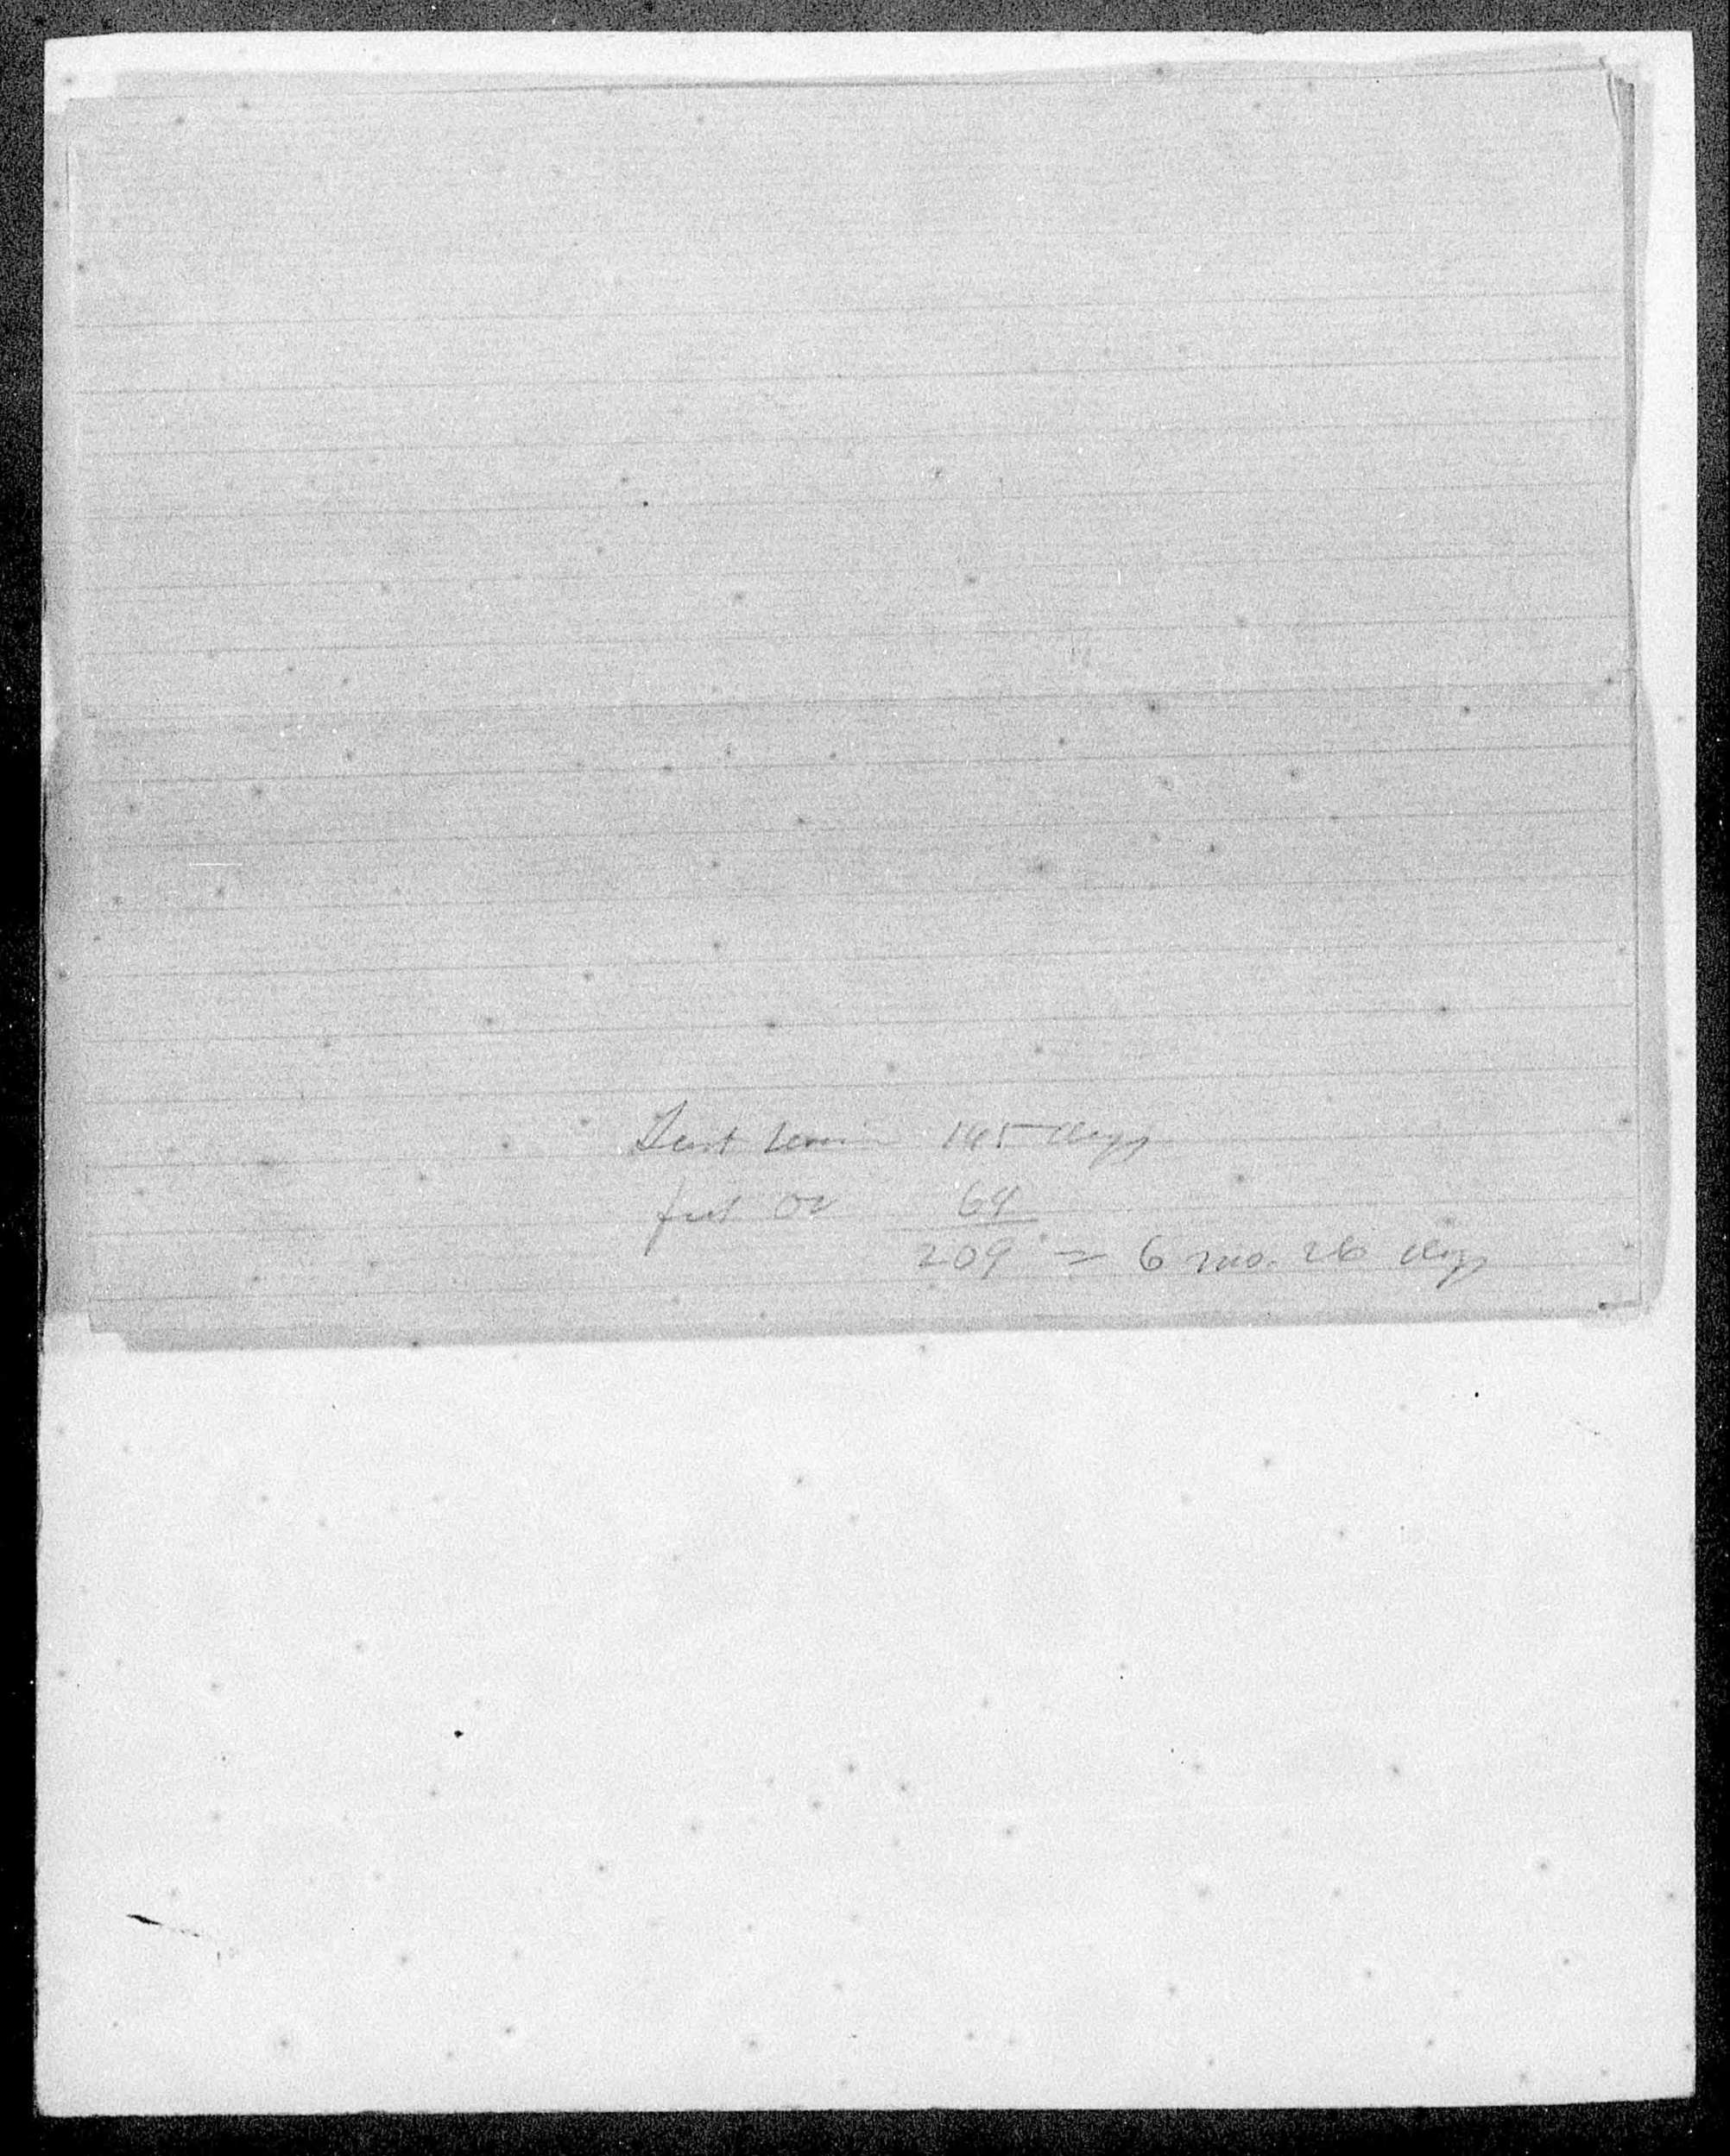Sent 165 days
or 69
209 = 6 mo. 26 days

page: 50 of 57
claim: survivor's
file: S. 18888, David Golightly, S.C.